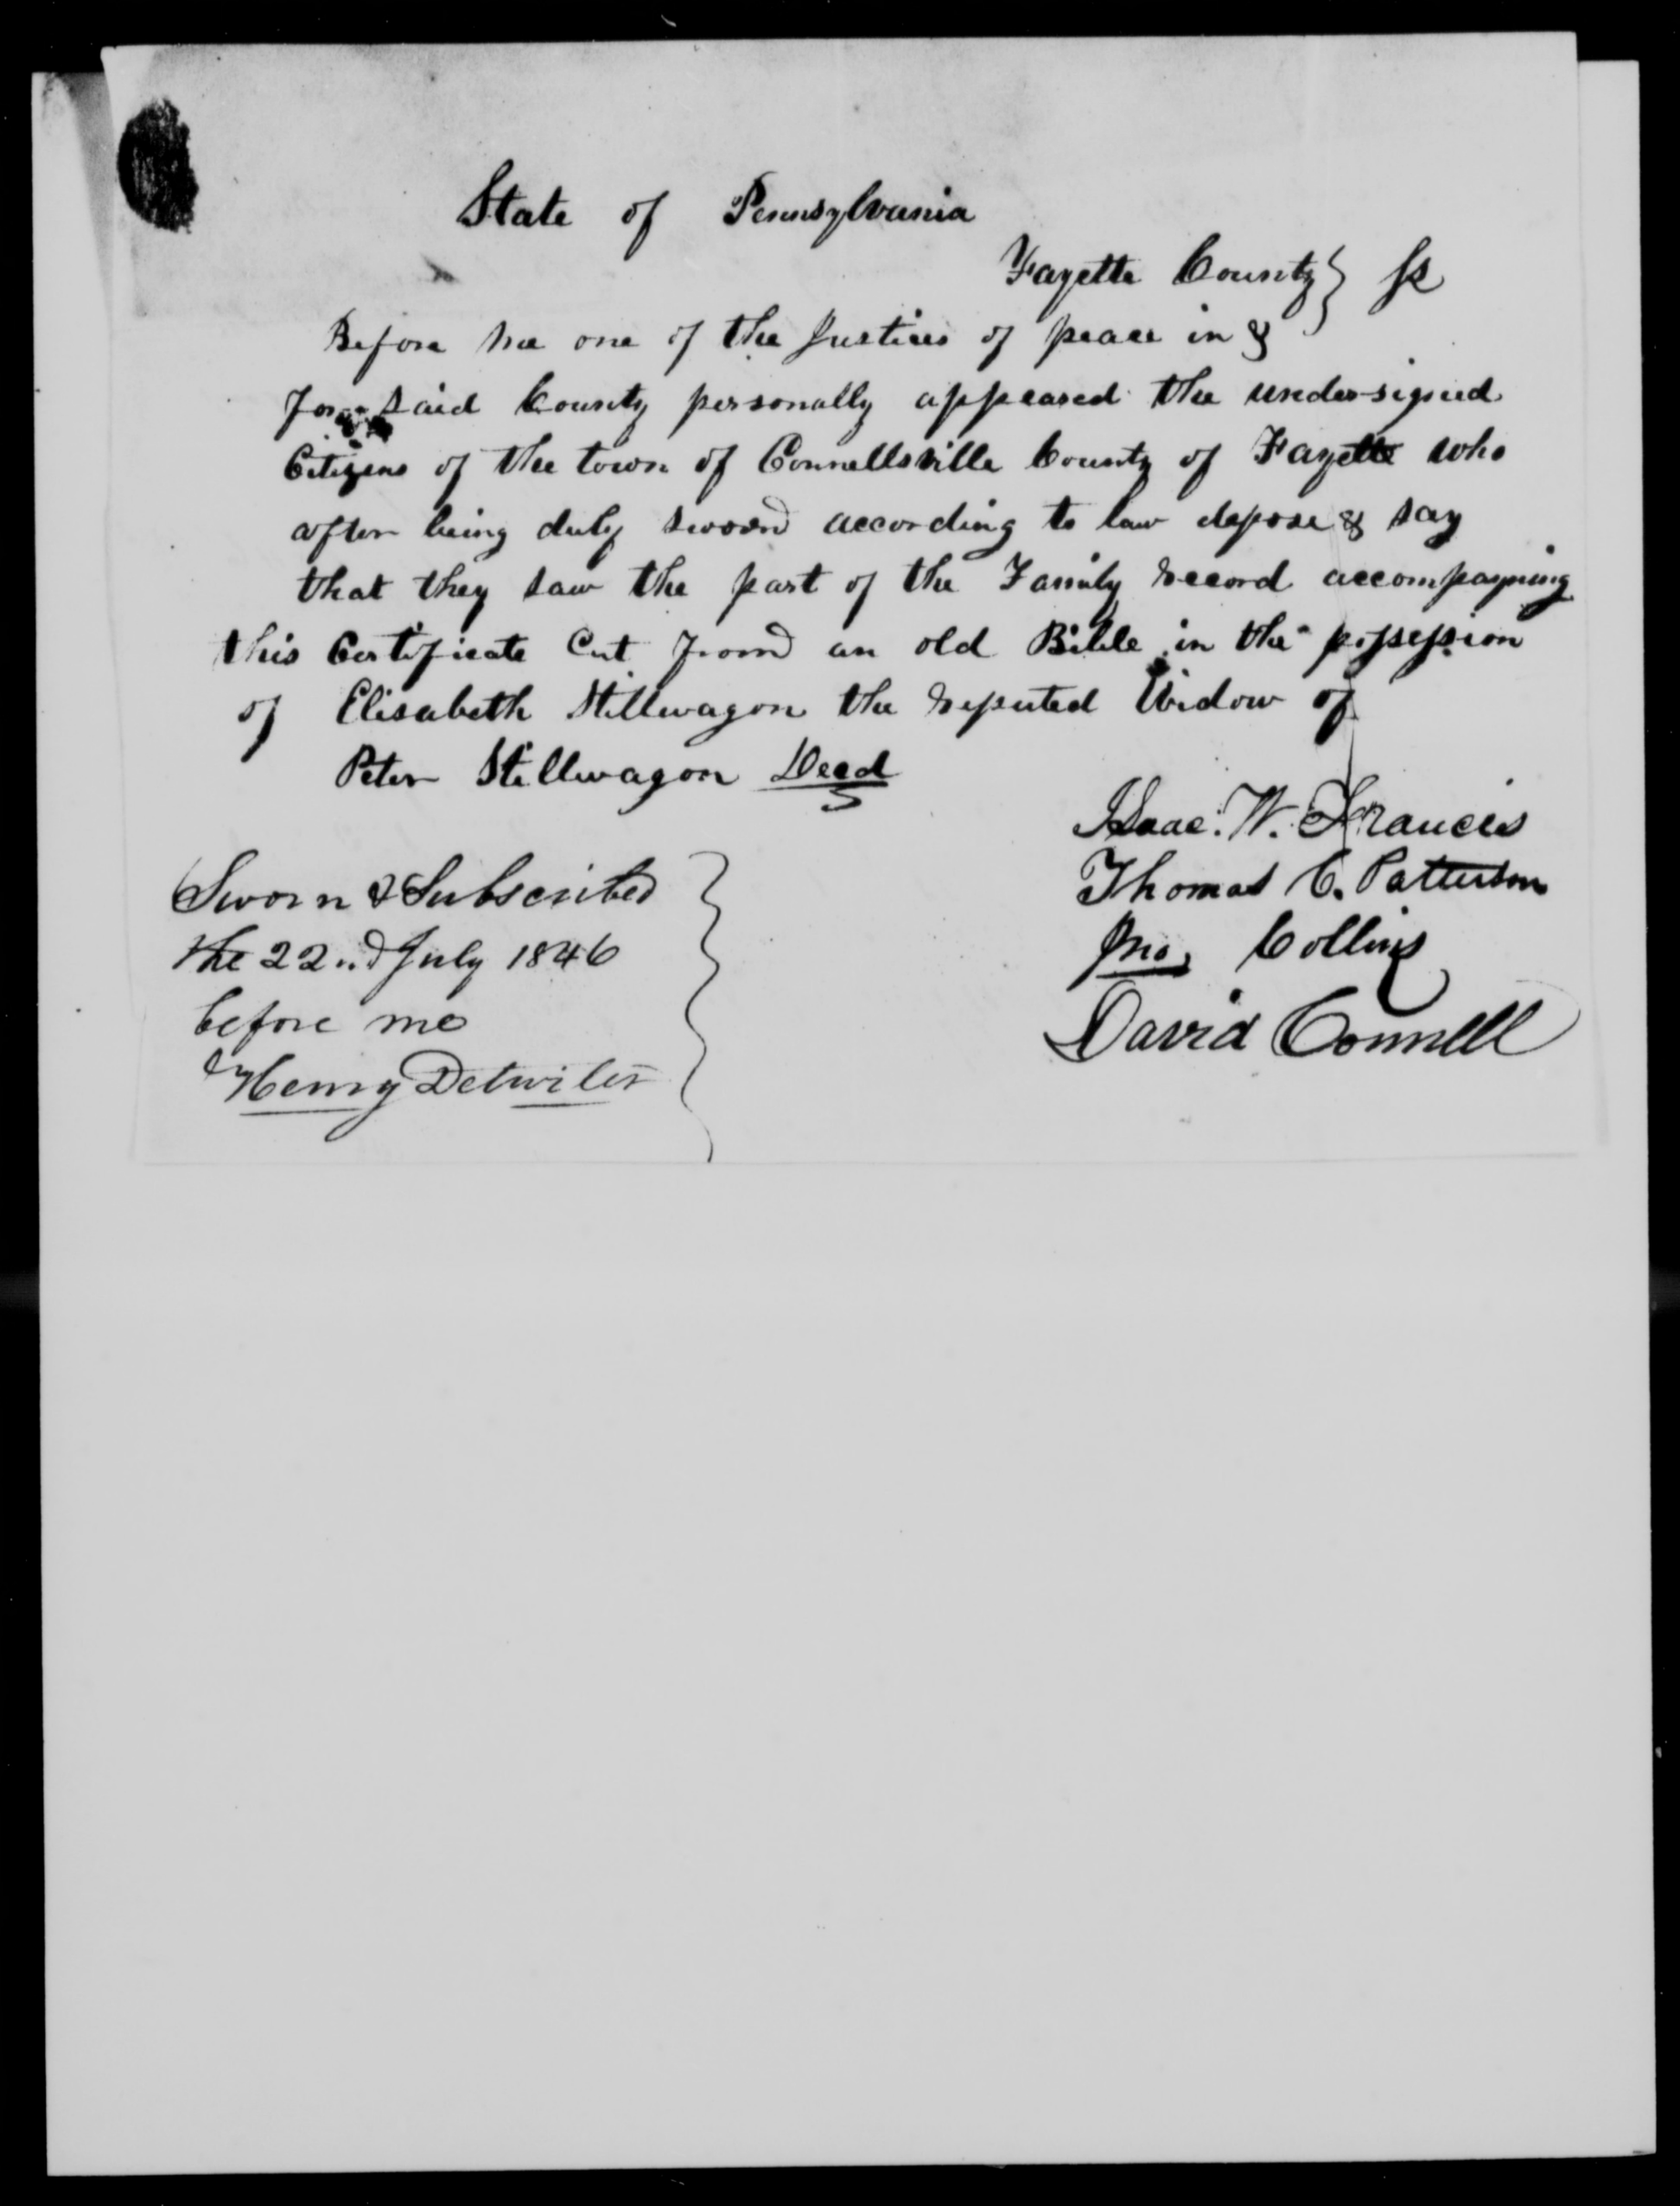State of Pennsylvania
Fayette County
Before me one of the Justices of peace in & for a Said County personally appeared the under-signed Citizens of the town of Connellsville County of Fayette who after being duly sworn according to law depose & say that they saw the part of the Family record accompanying this Certificate cut from an old Bible in the possession of Elisabeth Stillwagon the reputed widow of Peter Stillwagon Dead [underlined Dead]
[Right side of document]
Isaac W. Francis
Thomas C. Patterson
Jno. Collins
David Connell
[Left side of document]
Sworn & Subscribed the 22nd July 1846 before me Henry Detwiler
[handdrawn bracket/squiggle]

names: Thomas C Patterson; David Connell; Elisabeth Stillwagon; Jno Collins; Peter Stillwagon; Henry Detwiler; Isaac W Francis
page: 9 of 73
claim: widow's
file: W. 3197, for Peter Stillwagon, New Jersey